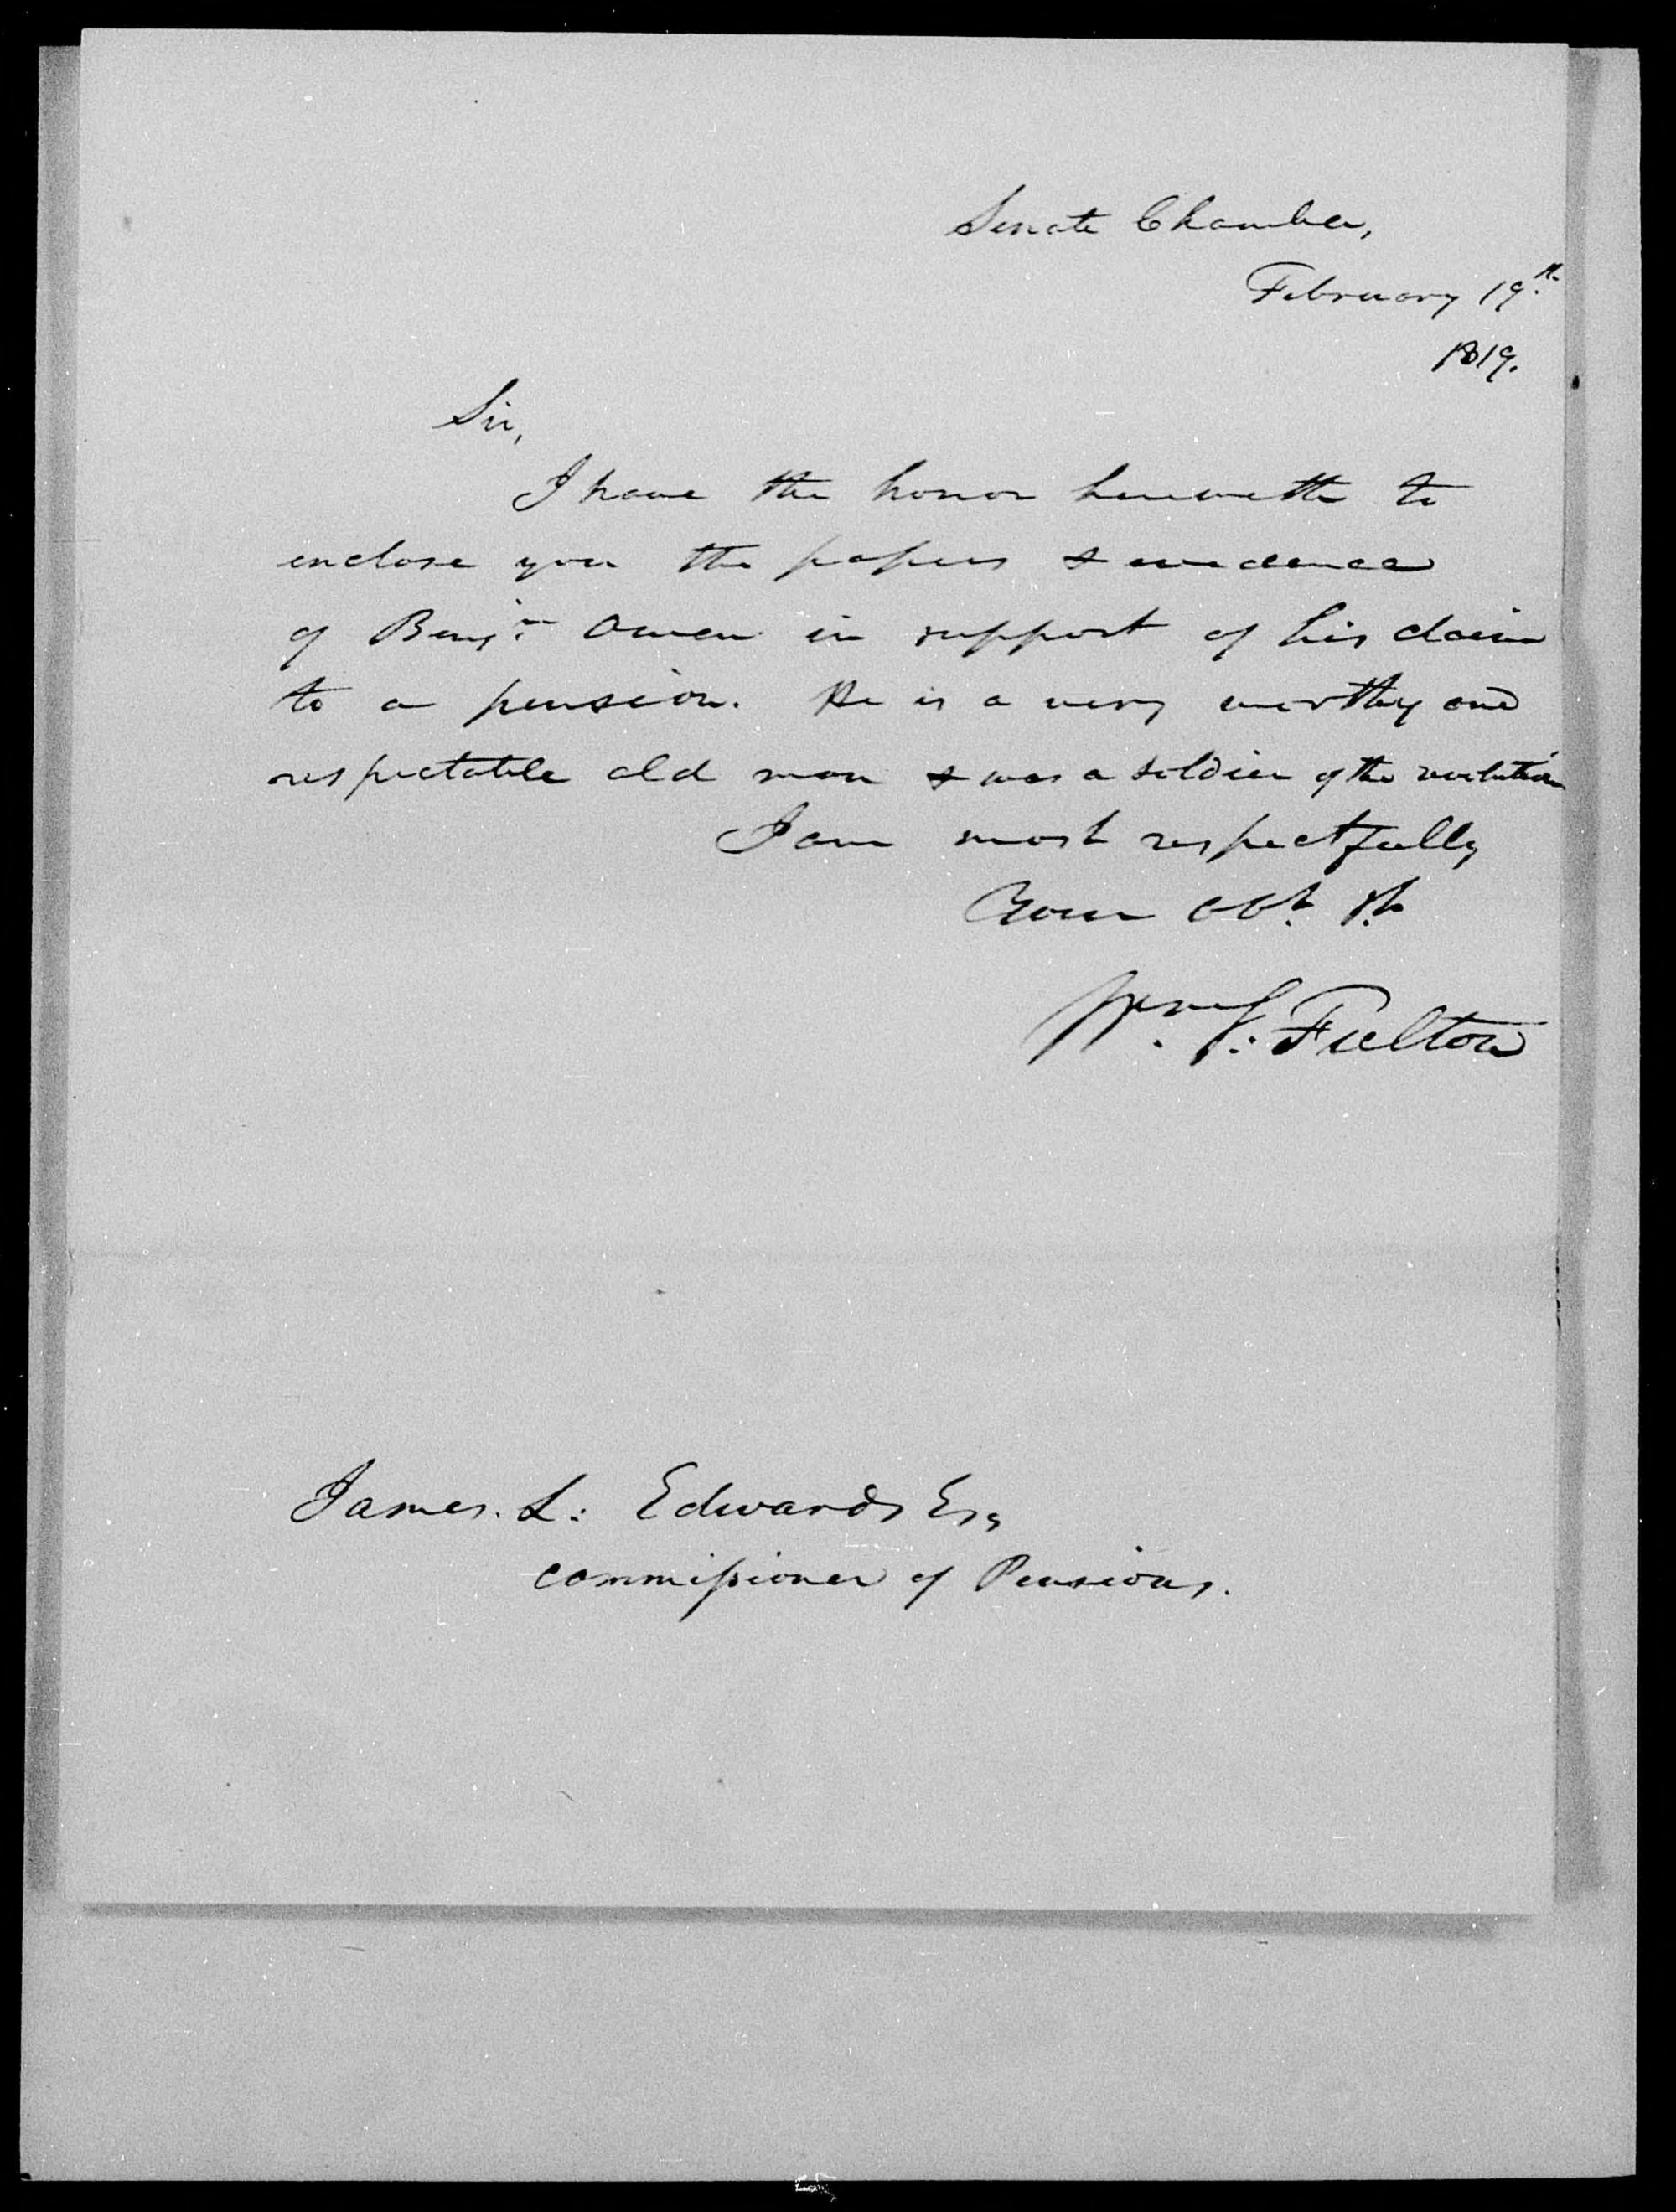Senate Chamber,
February 19th
1819.
Sir,
I have the honor herewith to enclose you the papers & evidence of Benjn Owen in support of his claim to a pension. He is a very worthy and respectable old man & was a soldier of the revolution
I am most respectfully
Your Obt St
Wm S. Fulton

James L. Edwards Esq
Commissioner of Pensions.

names: James L Edwards; Wm S Fulton; Benjn Owen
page: 23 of 28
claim: rejected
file: R. 7846, for Benjamin Owens, South Carolina